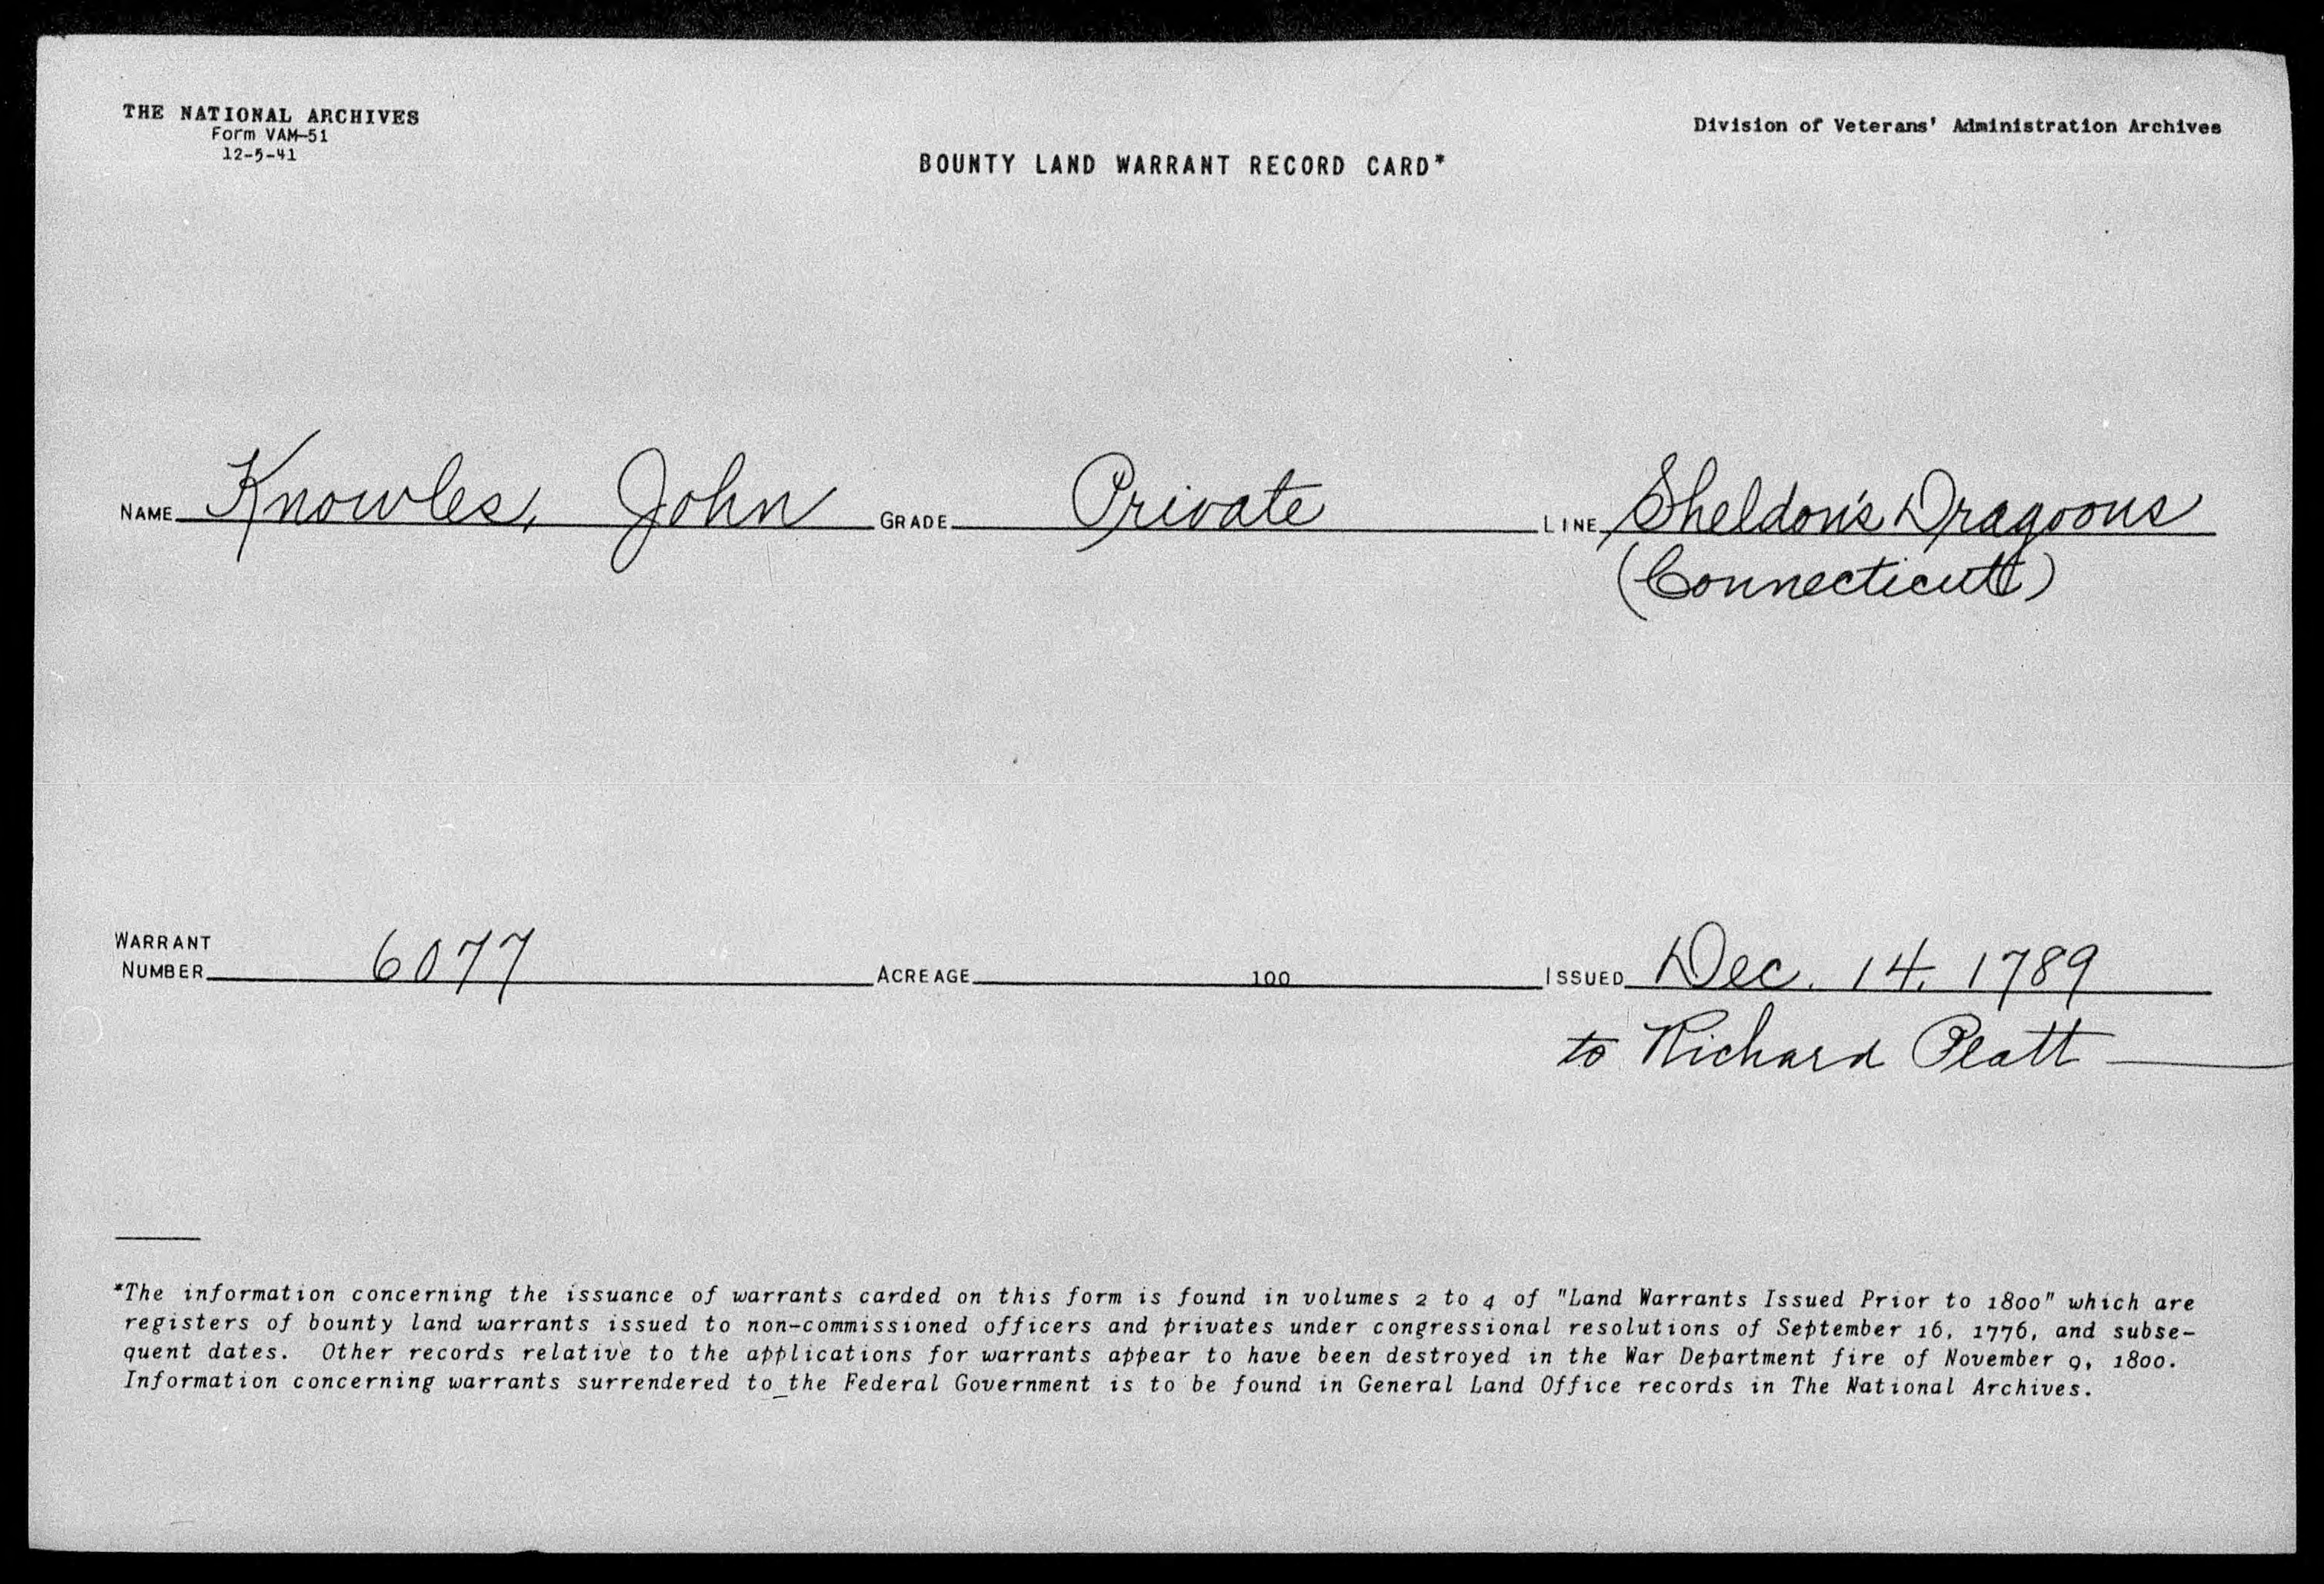The National Archives
Form VAM-51
12-3-41
Bounty Land Warrant Record Card*
Division of Veterans' Administration Archives

Name Knowles, John
Grade Private
Line Sheldon's Dragoons (Connecticut)

Warrant Number 6077 Acreage 100 Issued Dec. 14, 1789 to Richard Platt

*The information concerning the issuance of warrants carded on this form is found in volumes 2 to 4 of "Land Warrants Issued Prior to 1800" which are registers of bounty land warrants issued to non-commissions officers and private under congressional resolutions of September 16, 1776, and subsequent dates. Other records relative to the application for warrants appear to have been destroyed in the War Department fire of November 9, 1800. Information concerning warrants surrendered to the Federal Government is to be found in General Land Office records in The National Archives.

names: Richard Platt; John Knowles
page: 60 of 60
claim: widow's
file: W. 14,036, for James Knowles, Connecticut